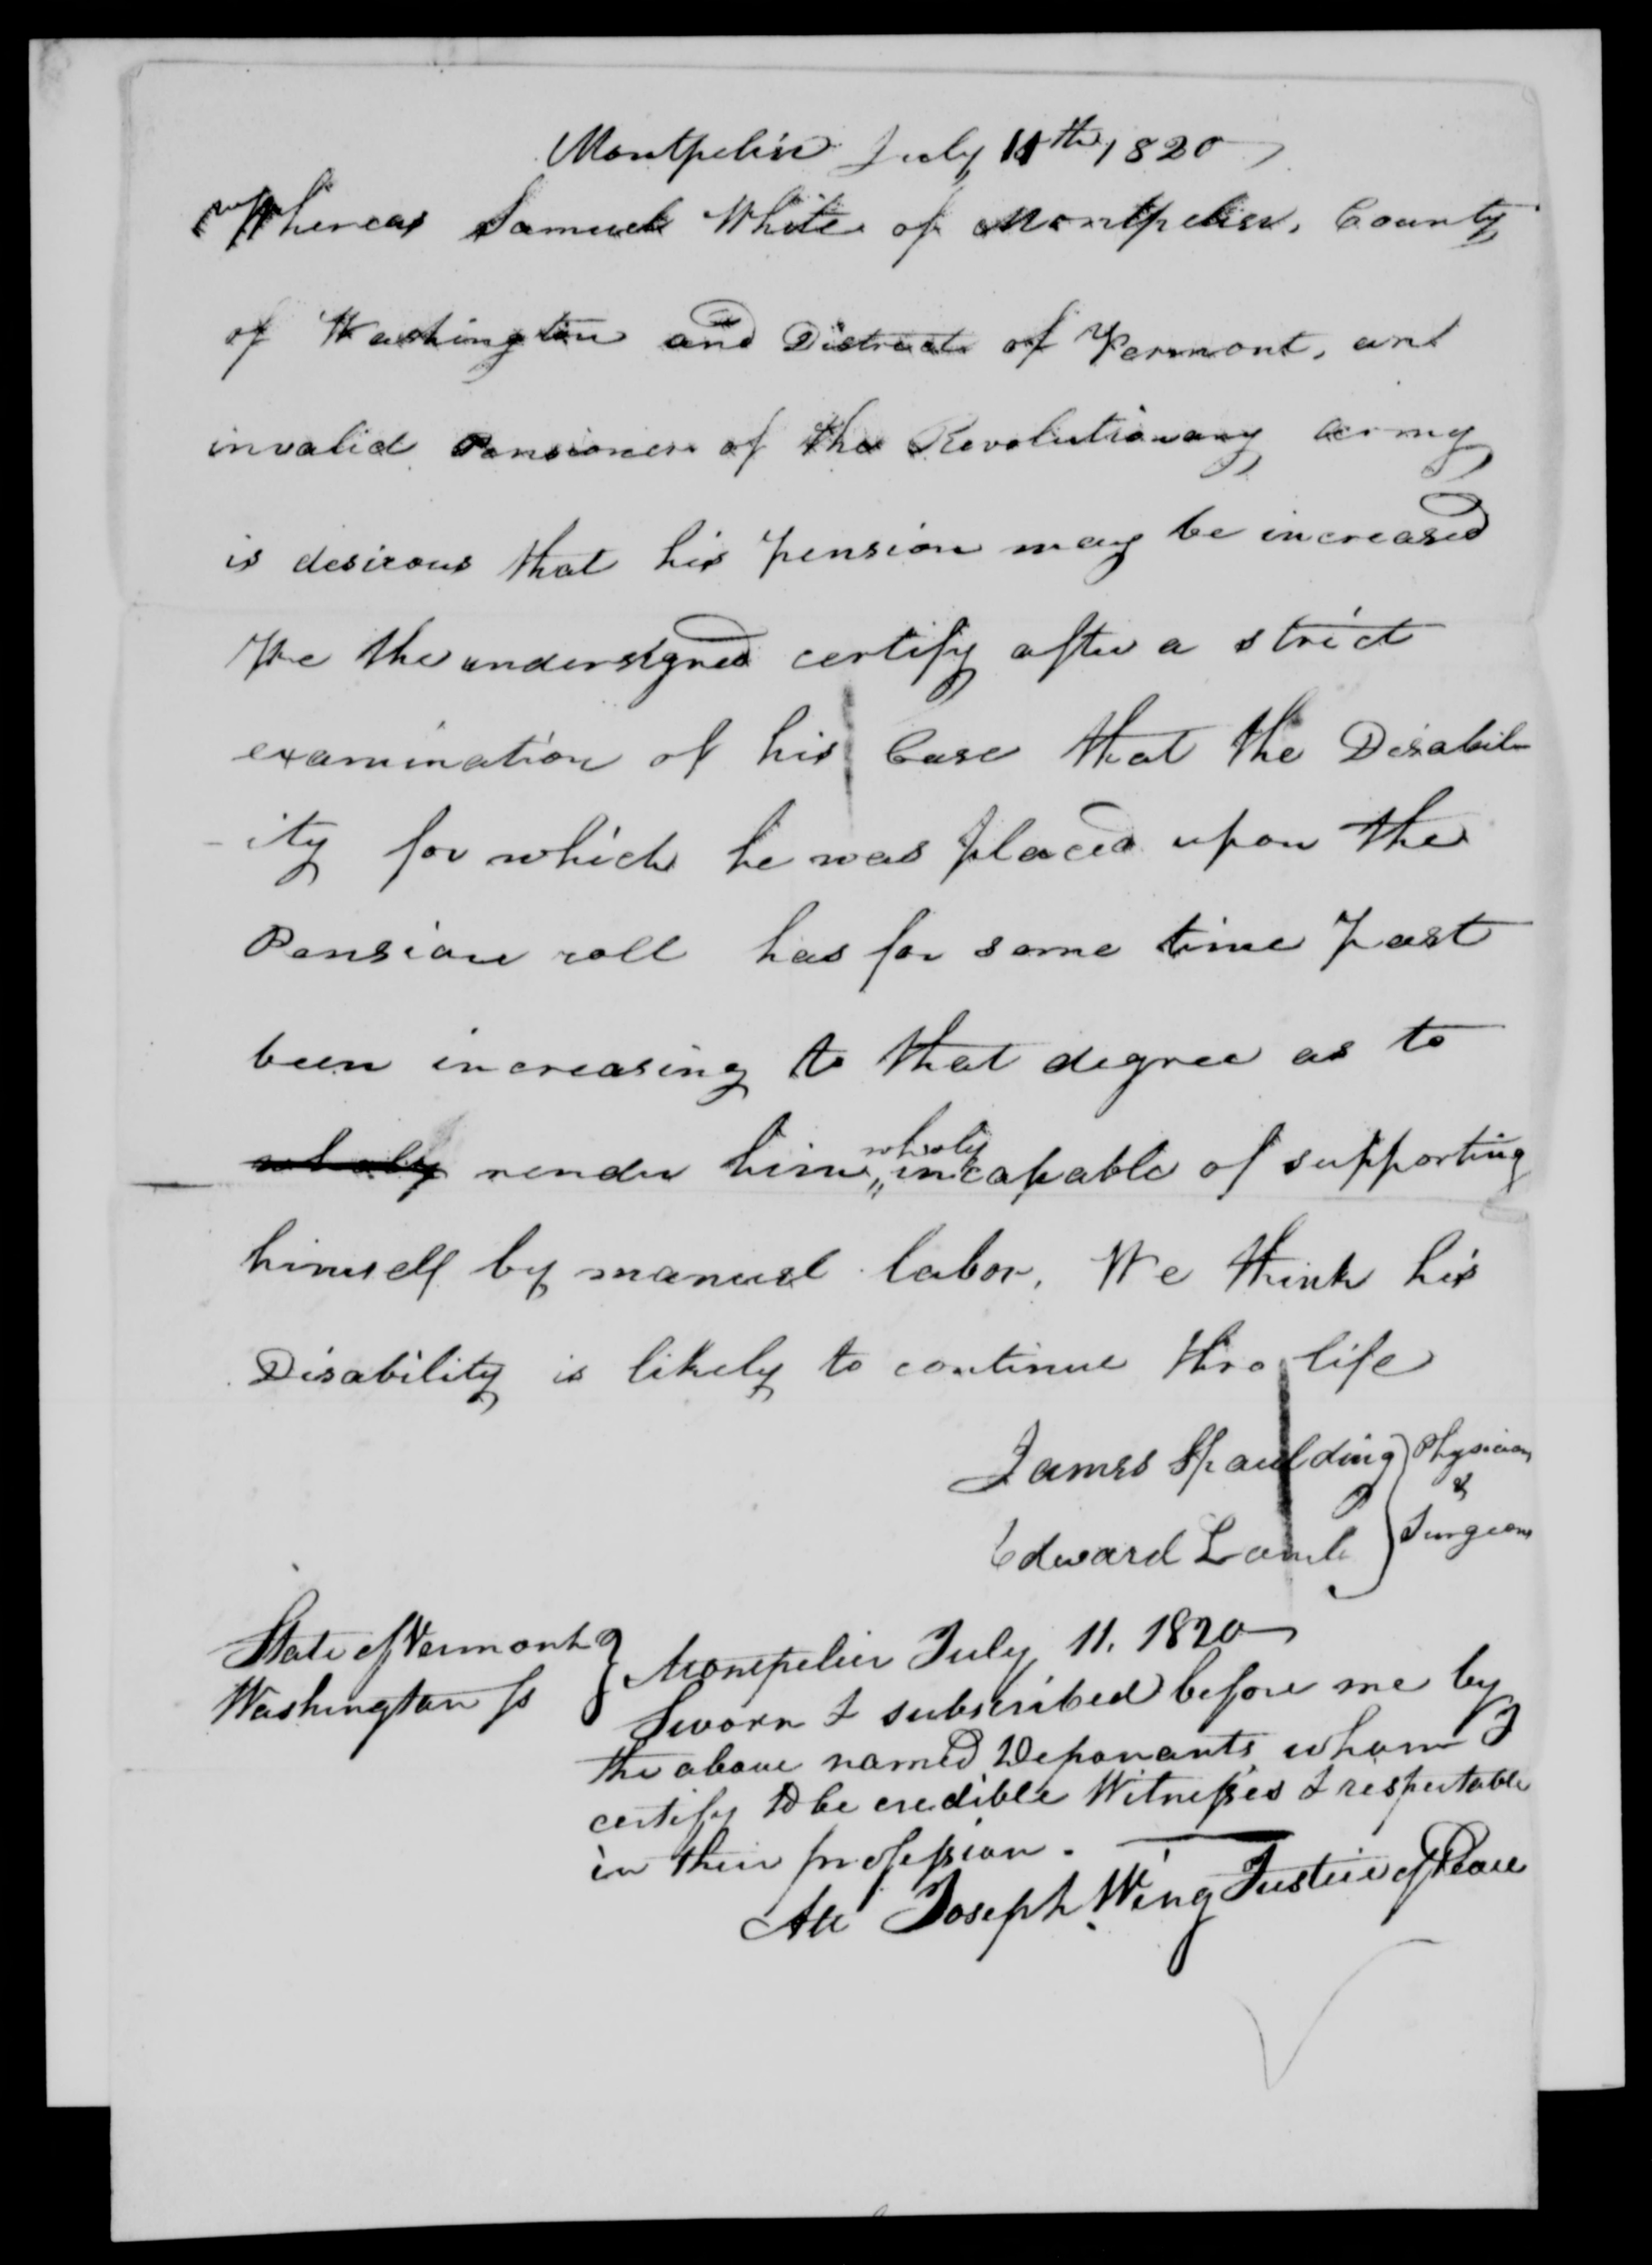Montpelier July 11th 1820
Whereas Samuel White of Montpelier, County of Washington and District of Vermont an invalid pensioner of the Revolutionary army is desirous that his pension may be increased. We the undersigned certify after a strict examination of his case that the disability for which he was placed upon the pension roll has for some time past been increasing to that degree as to render him ^wholly in capable of supporting himself by manual labor. We think his disability is likely to continue thru life.
James Spaulding
Edward Lamb  Physicians & surgeons

State of Vermont
Washington Ss
Montpelier July 11, 1820
Sworn & subscribed before me by the above named deponants whom I certify to be credible witnesses & respectable in their profession.
Att. joseph Wing Justice of Peace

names: James Spaulding, Edward Lamb, Joseph Wing, Samuel White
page: 67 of 79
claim: survivor's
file: S. 11759, Samuel White, Mass.